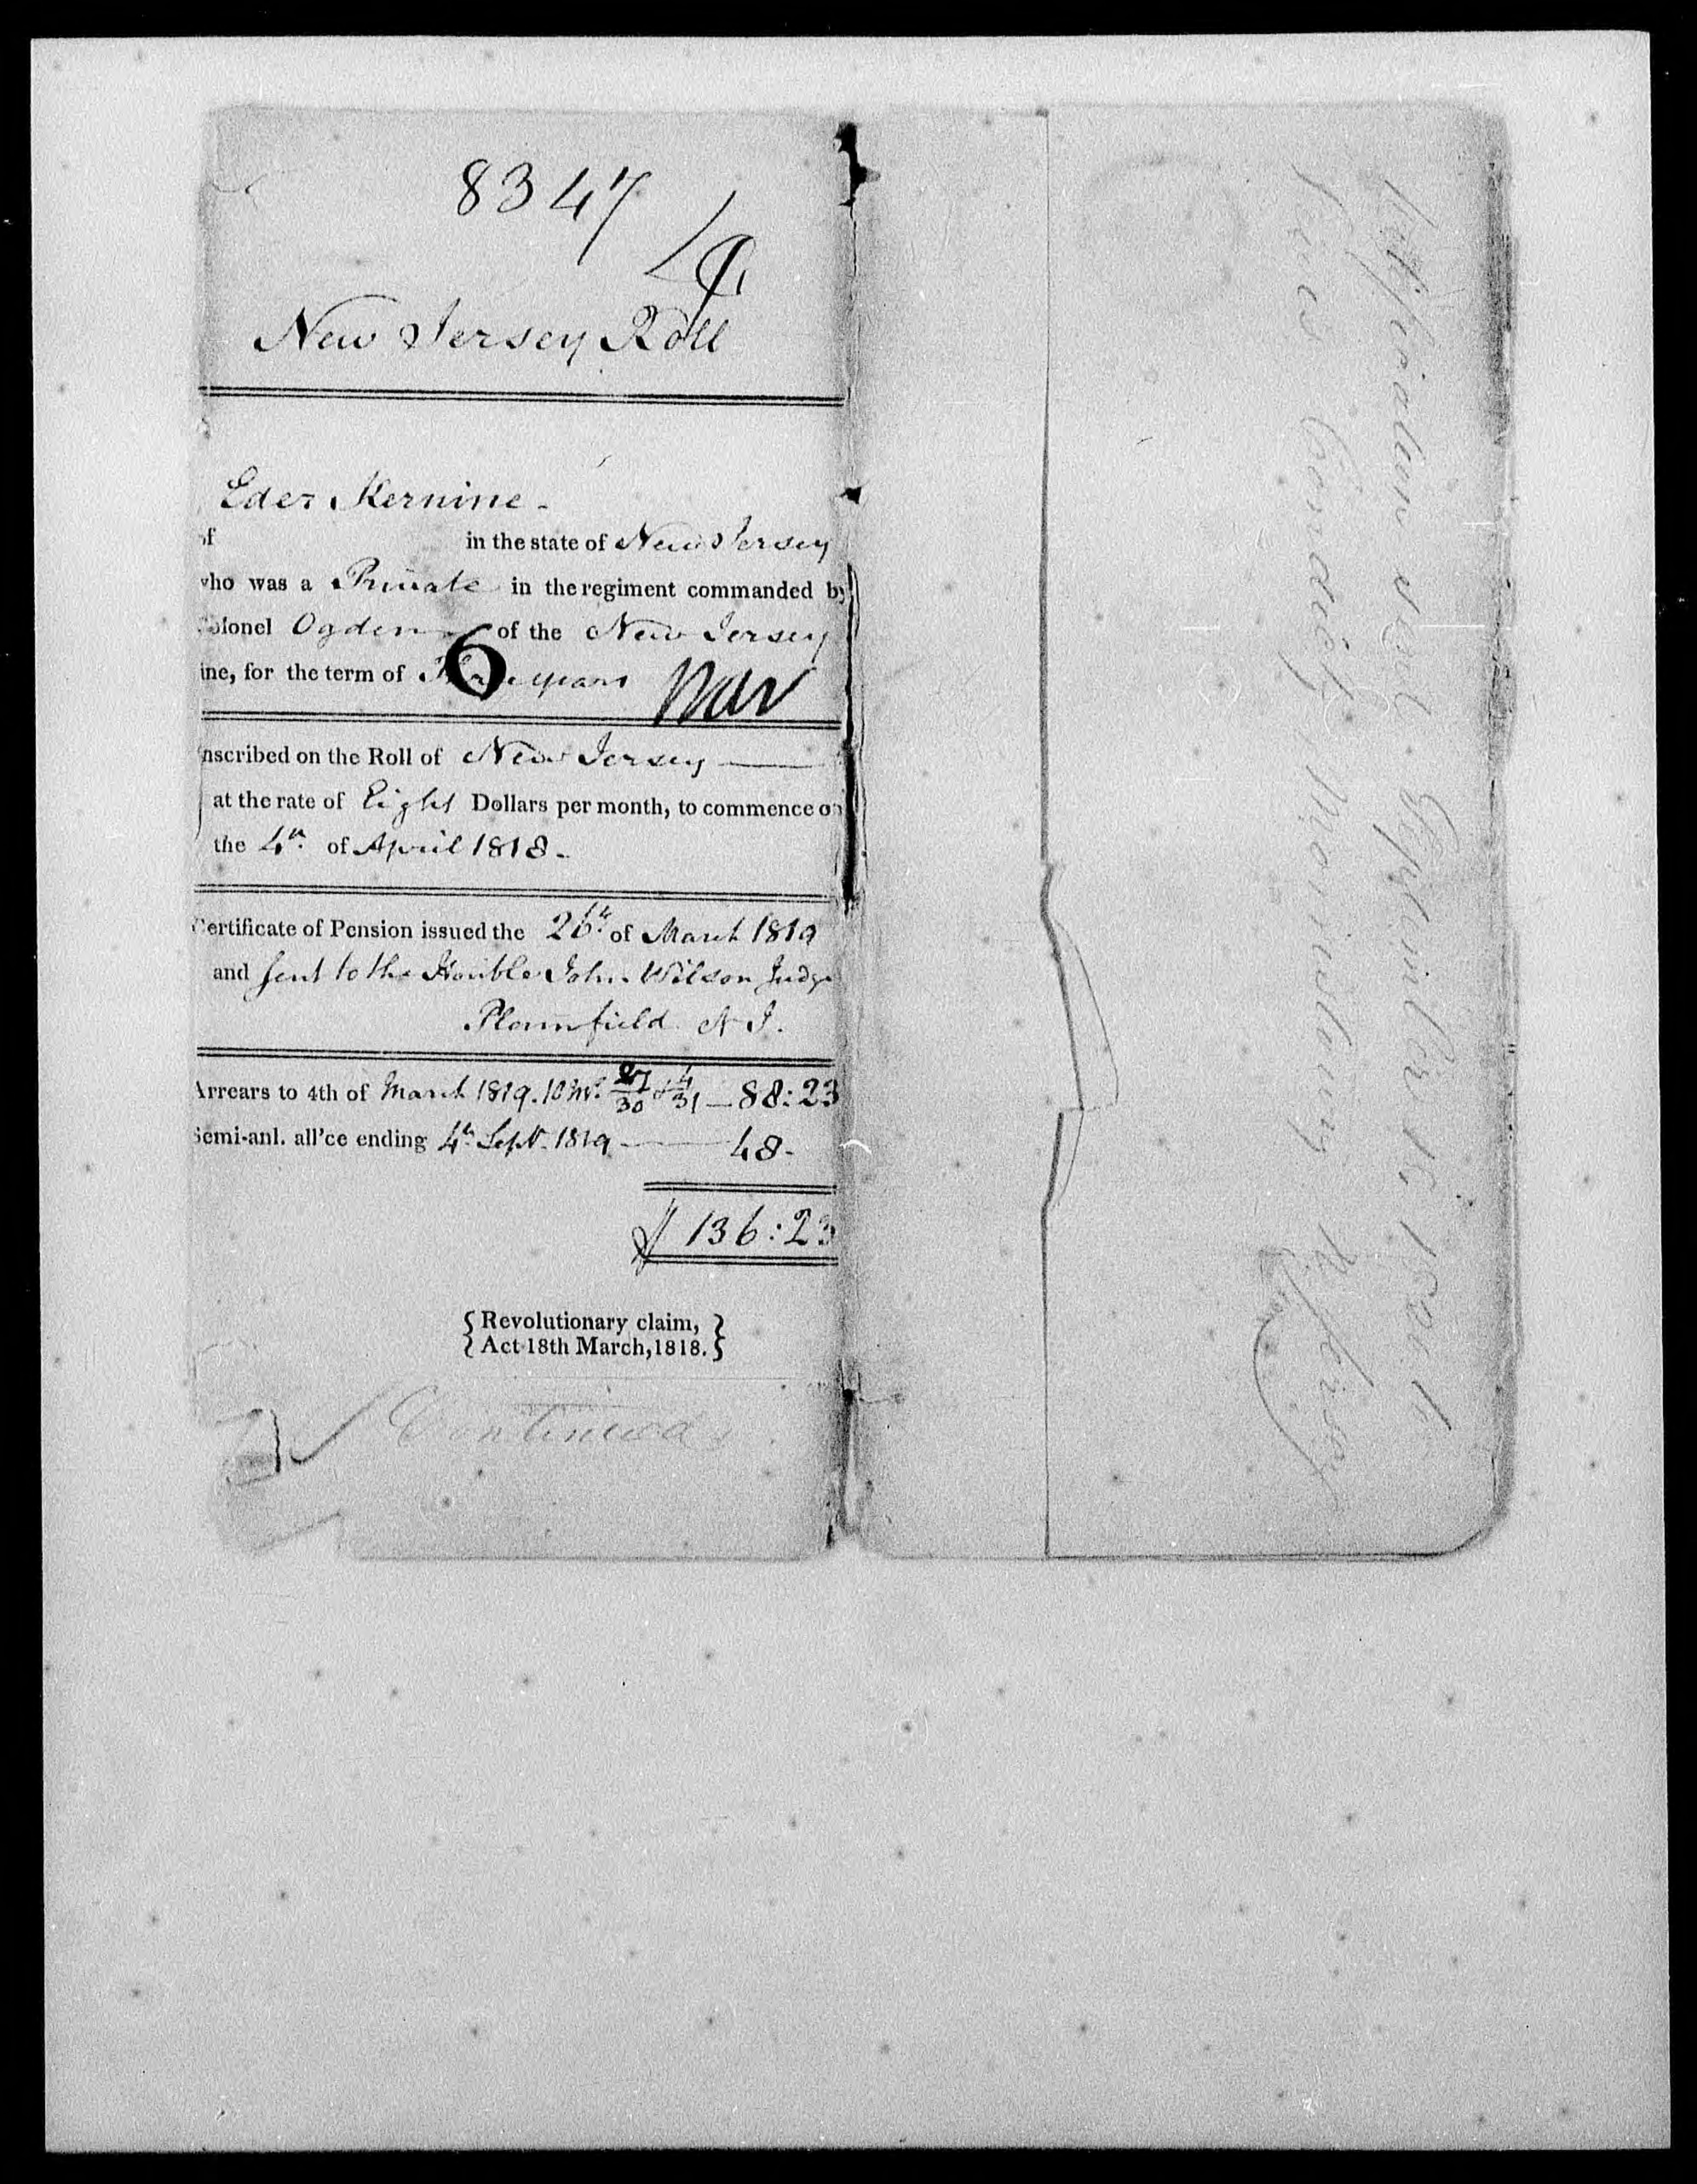8347
New Jersey Roll
Eder Kernine
in the state of New Jersey
who was a Private in the regiment commanded
Ogden of the New Jersey
ine, for the term of years
inscribed on the Roll of New Jersey
at the rate of Eight Dollars per month, to commence on
the 4th of April 1818.
Certificate of Pension issued the 26th of March 1819
and sent to the Honble John Wilson Judge
Plainfield
Arrears to 4th of March 1819 $88.23
Semi-anl. all'ce ending 4th Sept 1819 48-
136.22
Revolutionary claim,
Act 18th March, 1818.}
Continued
Condict Morristown
of
September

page: 2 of 15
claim: survivor's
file: S. 33351, for Eder Kernine, New Jersey